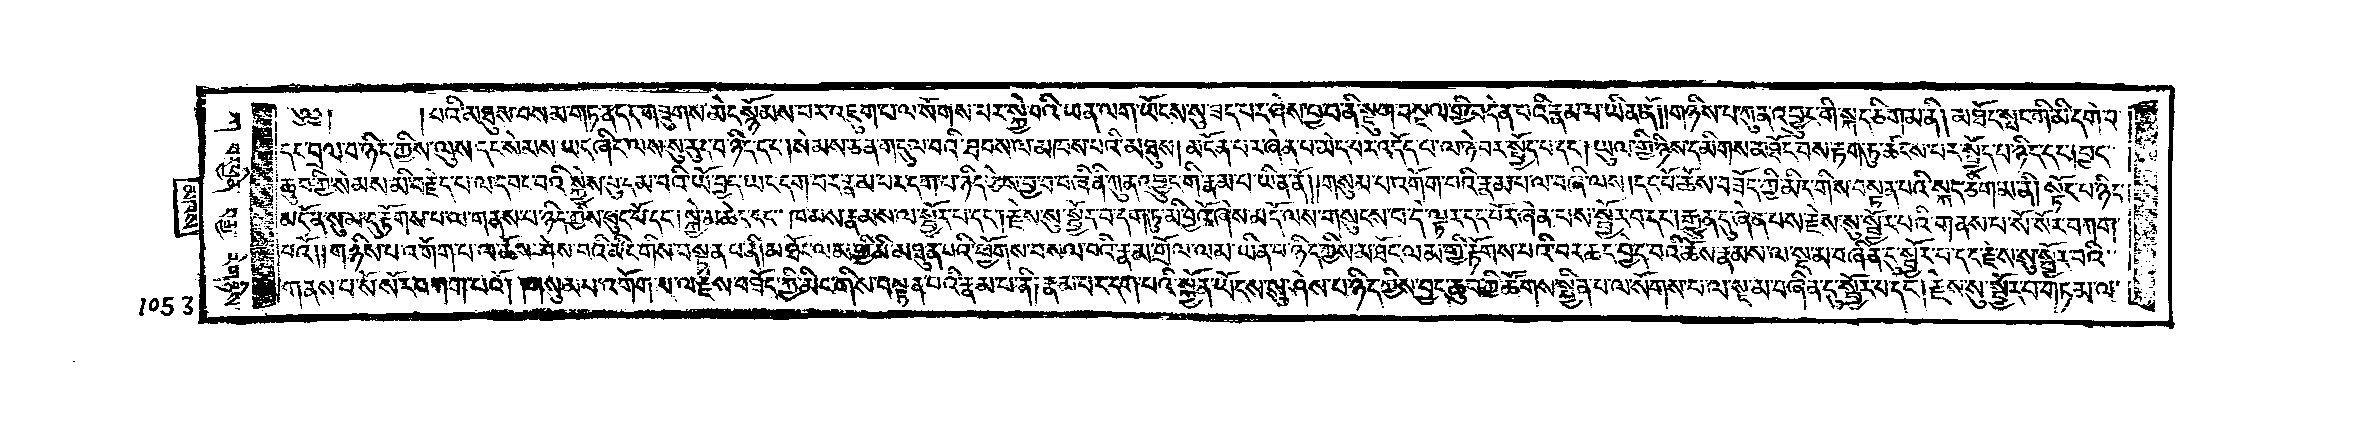༄༅། །པའི་མཐུས་བསམ་གཏན་དང་གཟུགས་མེད་སྙོམས་པར་འཇུག་པ་ལ་སོགས་པར་སྐྱེ་བའི་ཡན་ལག་ཡོངས་སུ་ཟད་པར་ཞེས་བྱ་བ་ནི་སྡུག་བསྔལ་གྱི་བདེན་པའི་རྣམ་པ་ཡིན་ནོ། །གཉིས་པ་ཀུན་འབྱུང་གི་སྐད་ཅིག་མ་ནི། མཐོང་སྤང་གི་མི་དགེ་བ་
དང་བྲལ་བ་ཉིད་ཀྱིས་ལུས་དང་སེམས་ཡང་ཞིང་ལས་སུ་རུང་བ་ཉིད་དང་། སེམས་ཅན་གདུལ་བའི་ཐབས་ལ་མཁས་པའི་མཐུས། མངོན་པར་ཞེན་པ་མེད་པར་འདོད་པ་ལ་ཉེ་བར་སྤྱོད་པ་དང་། ཡུལ་གྱི་ཉིས་དམིགས་མཐོང་བས་རྟག་ཏུ་ཚངས་པར་སྤྱོད་པ་ཉིད་དང་། བྱང་
ཆུབ་ཀྱི་སེམས་མི་བརྗེད་པ་ལ་དབང་བའི་སྐྱེས་བུ་དམ་པའི་ཡོ་བྱད་ཡང་དག་པར་རྣམ་པར་དག་པ་ཉིད་ཅེས་བྱ་བ་བཞི་ནི་ཀུན་འབྱུང་གི་རྣམ་པ་ཡིན་ནོ། །གསུམ་པ་འགོག་པའི་རྣམ་པ་ལ་བཞི་ལས། དང་པོ་ཆོས་བཟོད་ཀྱི་མིང་གིས་བསྟན་པའི་སྐད་ཅིག་མ་ནི། སྟོང་པ་ཉིད་
མངོན་སུམ་དུ་རྟོགས་པ་ལ་གནས་པ་ཉིད་ཀྱིས་ཕུང་པོ་དང་། སྐྱེ་མཆེད་དང་ཁམས་རྣམས་ལ་སྦྱོར་བ་དང་། རྗེས་སུ་སྦྱོར་བ་དག་ཏུ་མི་བྱའོ་ཞེས་མདོ་ལས་གསུངས་པ་དེ་ལྟར་དང་པོར་ཞེན་པས་སྦྱོར་བ་དང་། རྒྱུན་དུ་ཞེན་པས་རྗེས་སུ་སྦྱོར་བའི་གནས་པ་སོ་སོར་བཀག་
པའོ། །གཉིས་པ་འགོག་པ་ལ་ཆོས་ཤེས་པའི་མིང་གིས་བསྟན་པ་ནི། མཐོང་ལམ་གྱི་མི་མཐུན་པའི་ཕྱོགས་བསལ་བའི་རྣམ་གྲོལ་ལམ་ཡིན་པ་ཉིད་ཀྱིས་མཐོང་ལམ་གྱི་རྟོགས་པའི་བར་ཆད་བྱེད་པའི་ཆོས་རྣམས་ལ་སྔ་མ་བཞིན་དུ་སྦྱོར་བ་དང་རྗེས་སུ་སྦྱོར་བའི་
གནས་པ་སོ་སོར་བཀག་པའོ། །གསུམ་པ་འགོག་པ་ལ་རྗེས་བཟོད་ཀྱི་མིང་གིས་བསྟན་པའི་རྣམ་པ་ནི། རྣམ་པར་དག་པའི་སྐྱོན་ཡོངས་སུ་ཤེས་པ་ཉིད་ཀྱིས་བྱང་ཆུབ་ཀྱི་ཚོགས་སྦྱིན་པ་ལ་སོགས་པ་ལ་སྔ་མ་བཞིན་དུ་སྦྱོར་པ་དང་། རྗེས་སུ་སྦྱོར་བ་གཏམ་ལ་